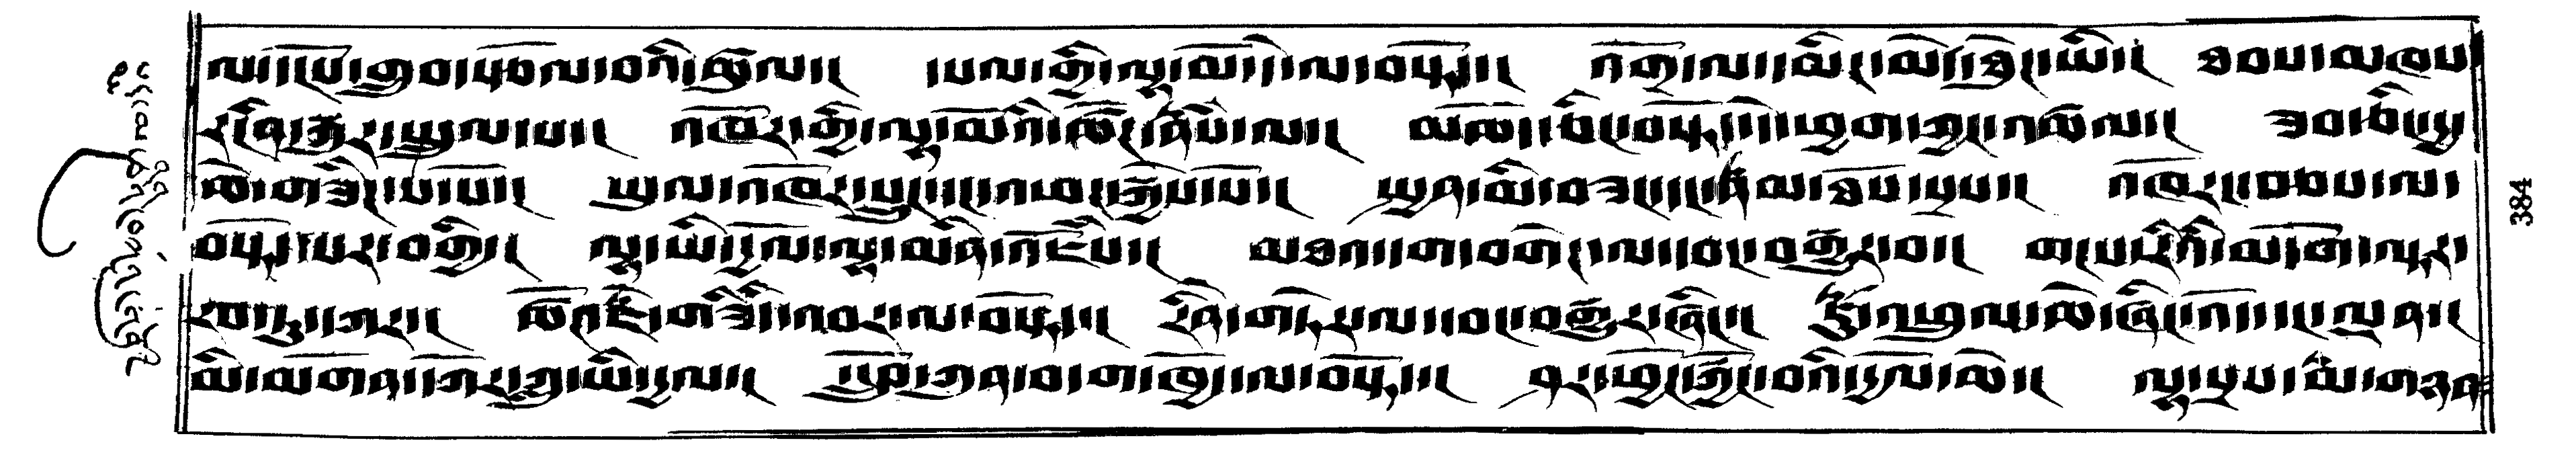ལ་དངོས་གྲུབ་སྩོལ་བའི་ཚུལ། །དཔལ་གྱི་ལྷ་མོ་དེ་ལ་བསྟོད། །འགྲོ་ལ་དམིགས་མེད་ཐུགས་རྗེ་ཡིས། །ཐབས་མཁས་
རང་བཞིན་སྐུར་སྤྲུལ་པ། །འཁོར་གྱི་ལྷ་མོའི་ཚོགས་རྣམས་ལ། །མཆོད་ཅིང་བསྟོད་དེ་ཕྱག་ཀྱང་འཚལ། །ཟབ་ཅིང་རྒྱ་
ཆེ་གཟིགས་པ་པོ། །ཡུལ་འཁོར་སྲུང་དང་འཕགས་སྐྱེས་པོ། །སྤྱན་མི་བཟང་དང་རྣམ་ཐོས་སྲས། །འཁོར་དང་བཅས་ལ་
བསྟོད་པར་བགྱི། །ལྷ་ཡི་རྒྱལ་པོ་ལྷ་མིན་འཇོམས། །མཐའ་དག་བགེགས་ལ་དབང་བསྒྱུར་བ། །གངས་རིའི་མདོག་ལྟར་
རབ་ཏུ་དཀར། །ཚོགས་རྗེ་གཟི་བརྗིད་འབར་ལ་བསྟོད། །རིན་ཆེན་གཏེར་ལ་དབང་བསྒྱུར་ཞིང་། །རྫུ་འཕྲུལ་ཆེ་ཞིང་འོད་དང་ལྡན། །
མི་མགོན་དཀར་པོ་ཀླུ་ཡི་རྒྱལ། །དངོས་གྲུབ་ཀུན་བདག་ཁྱོད་ལ་བསྟོད། །ཤར་ཕྱོགས་སྐྱོང་བའི་རྒྱལ་པོ་ཆེ། །ལྷ་སྲས་རྨ་གཉན་